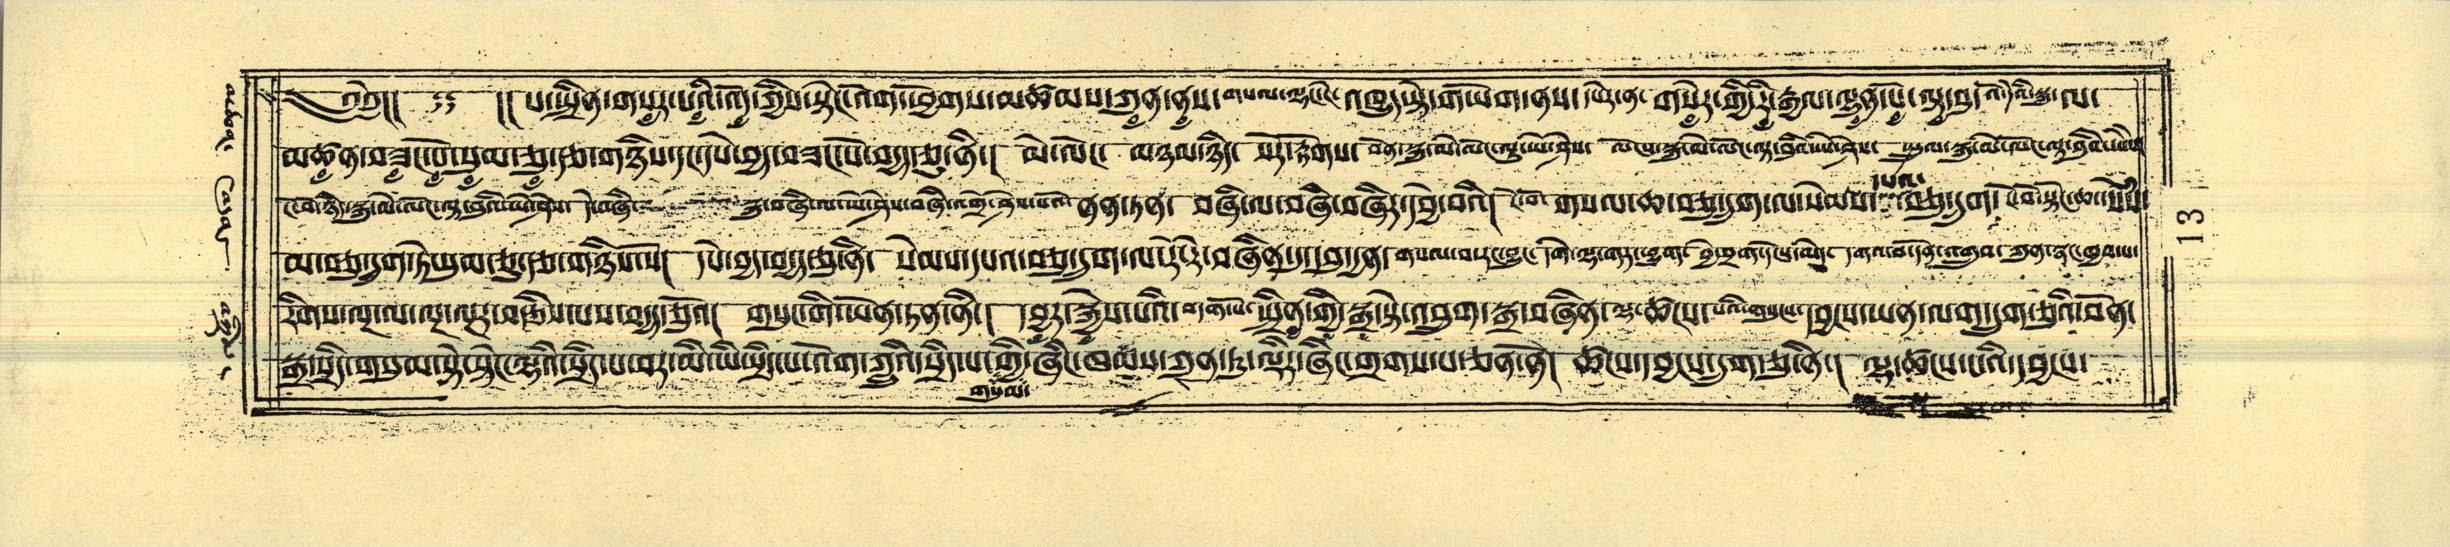པ་སྤྲིན་གསར་པའི་འོད་ཀྱིས་སྟེང་འོག་ཕྱོགས་མཚམས་ཀུན་ནས་༼གསལ་ལྷང་ངེ༽འཁྱུད་དེ་གཡོགས་ནས་༼དཔེར་ན༽གསེར་གྱི་རི་རྒྱལ་ལྷུན་པོ་ལྟ་བུ་༼འོ་དེའི་སྐུ༽ལ་
མཚན་བཟང་པོ་སུམ་ཅུ་རྩ་གཉིས་དང་དཔེ་བྱད་བཟང་པོ་བརྒྱད་ཅུ་ནི། མེ་ལོང་མཉམ་ཉིད་སོར་རྟོགས་༼བོན་སྐུ་མེ་ལོང་ཡེ་ཤེས་ལྟ་བུ་ཡེ་ཤེས། ལོངས་སྐུ་མེ་ལོང་ལྟ་བུའི་ཡེ་ཤེས། 
སྤྲུལ་སྐུ་མེ་ལོང་ལྟ་བུའི་ཡེ་ཤེས། ངོ་བོ་ཉིད་སྐུ་མེ་ལོང་ལྟ་བུའི་ཡེ་ཤེས་དེ་བཞི་སྐུ་བཞི་ལ་ཡེ་ཤེས་བཞི་འགྲོ་ཤེས་པའོ།༽ནན་ཏན་བཞི་ལ་བཞི་བཞིར་དབྱེ་བའི་༼ངོ་བོ༽གསལ་ཆ་བཅུ་དྲུག་ལ་སེམས་དཔའ་བཅུ་དྲུག་༼ངོ་བོ་སྟོང་ཆ་༽སེམས་
མ་བཅུ་དྲུག་སྟེ་སུམ་ཅུ་རྩ་གཉིས་སོ། དཔེ་བྱད་བརྒྱད་ཅུ་ནི། སེམས་དཔའ་བཅུ་དྲུག་ལ་རེ་རེ་བཞིན་དུ་དབུ་རྒྱན་༼གསལ་བ་རང་འབྱུང་དགེ་ལྷ་གར་ཕྱུག་བྱེ་བྲག་དངོས་མེད་དགའ་བ་དོན་འགྲུབ་ཀུན་སྣང་ཁྱབ་པ་
༽རིགས་ལྔ་ལ་ལྔ་ལྔར་བརྩིས་པས་བརྒྱད་ཅུའོ། གསུང་གི་ཡོན་ཏན་ནི། དབྱར་སྐྱེས་པའི་༼བདག་པོ༽སྤྲིན་གྱི་སྒྲ་སྟེ་འབྲུག་སྒྲ་བཞིན་༼ལྷ༽ཚངས་༼པའི་༽དབྱངས་ཡན་ལག་དྲུག་ཅུའི་བོན་
སྒྲ་སྲིད་གསུམ་སྟེ་སྟེང་ལྷའི་སྲིད་པ་བར་མི་ཡི་སྲིད་པ་འོག་ཀླུའི་སྲིད་པ་གསུམ་གྱི་ཞིང་ཁམས་ཀུན་ཏུ་ལྡིར་ཞིང་གྲགས་པ་ཅན་ནོ། ཚངས་དབྱངས་དྲུག་ཅུ་ནི། ལྷ་ཚངས་པའི་དབྱངས་